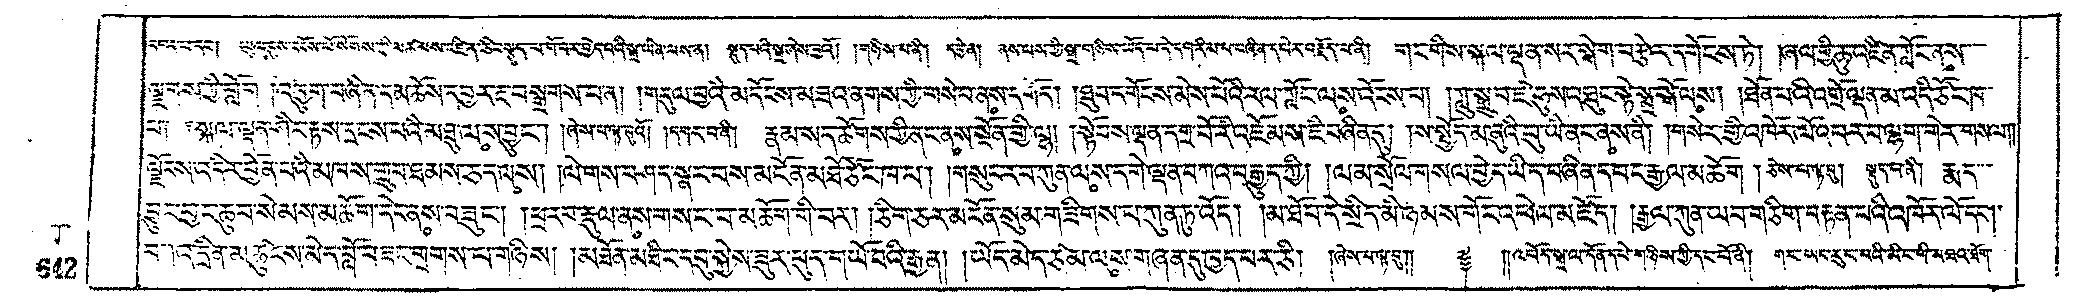དགར་པ་དང་། ཡུལ་དུས་དངོས་པོ་སོགས་ཀྱི་མཚམས་འཛིན་ཅིང་སྡུད་པ་གོ་བར་བྱེད་པའི་སྒྲ་ཡིན་པས་ན། སྡུད་པའི་སྒྲ་ཞེས་བྱའོ། །གཉིས་པ་ནི། དབྱེ་ན། ནས་ལས་ཀྱི་སྒྲ་གཉིས་ཡོད་པ་དེ་དག་རིམ་པ་བཞིན་དཔེར་བརྗོད་པ་ནི།  གང་གིས་སྐལ་ལྡན་སར་སྒེག་བརྩེར་དགོངས་ཏེ། །ཞལ་གྱི་ཆུ་འཛིན་ཀློང་ནས྾་་་
ལྗགས་ཀྱི་གློག །འཁྱུག་བཞིན་དམ་ཆོས་དབྱར་རྔ་བསྒྲགས་པ་ན། །གདུལ་བྱའི་མདོངས་མཐའ་ནགས་ཀྱི་གསེབ་ནས྾་དགོད། །ཐུབ་དགོངས་མེས་པོའི་རལ་ཀློང་ལས྾་འོངས་པ། །ཀླུ་སྒྲུབ་ཛ་ཧུས་འཐུང་སྟེ་སྨྲ་སྒོ་ལས྾། །ཐོན་པའི་འགྲོ་ལྡན་མ་འདི་ཙོང་ཁ་
པ༑ ༑སྐལ་ལྡན་ཤིང་རྟས་དྲངས་པའི་མཐུ་ལས྾་བྱུང་། །ཞེས་པ་ལྟ་བུའོ། །དགར་བ་ནི།  རྣམ་སད་ཚོགས་ཀྱི་ནང་ནས྾་སྔོན་གྱི་ལྷ། །སྟོབས་ལྡན་དགྲ་བོ་རི་འཇོམས་ཇི་བཞིན་དུ། །ས་སྤྱོད་མ་ནུའི་བུ་ཡི་ནང་ནས྾་ནི། །གསེར་གྱི་འཁོར་ལོ་འབར་བ་ལྷག་གེར་གསལ།།
ལྗོངས་འདིར་བྱོན་པའི་མཁས་གྲུབ་ཐམས་ཅད་ལས྾། །ལེགས་བཤད་སྣང་བས་མངོན་མཐོ་ཙོང་ཁ་པ། །གསུང་རབ་ཀུན་ལས྾་དགེ་ལྡན་བཀའ་བརྒྱུད་ཀྱི། །ལམ་སྲོལ་གསལ་བྱེད་ཡིད་བཞིན་དབང་རྒྱལ་མཆོག་།ཅེས་པ་ལྟ་བུ། སྡུད་པ་ནི།  རྨད་་་
བྱུང་བྱང་ཆུབ་སེམས་མཆོག་དེང་ནས྾་བཟུང་། །ཕྲ་རབ་རྡུལ་ནས྾་གསང་བ་མཆོག་གི་བར། །ཅིག་ཅར་མངོན་སུམ་གཟིགས་པ་ཀུན་ཏུ་འོད། །མ་ཐོབ་དེ་སྲིད་མི་ཉམས་གོང་འཕེལ་མཛོད། །རྒྱལ་ཀུན་ཡབ་གཅིག་བརྟན་པའི་འཁོར་ལོ་དང་།
བཀའ་དྲིན་མཚུངས་མེད་བློ་བཟང་གྲགས་པ་གཉིས། །མཐོན་མཐིང་དབུ་སྐྱེས་ཟུར་ཕུད་གཡོ་བའི་རྒྱན། །ཡོད་མེད་ཙམ་ལས྾་གཞན་དུ་ཁྱད་པར་ཅི། །ཞེས་པ་ལྟ་བུ།། འ་།།འབོད་སྒྲ་ལ་དོན་དཔེ་གཉིས་ཀྱི་དང་པོ་ནི། གང་ཡང་རུང་པའི་མིང་གི་མཐའ་ཐོག་